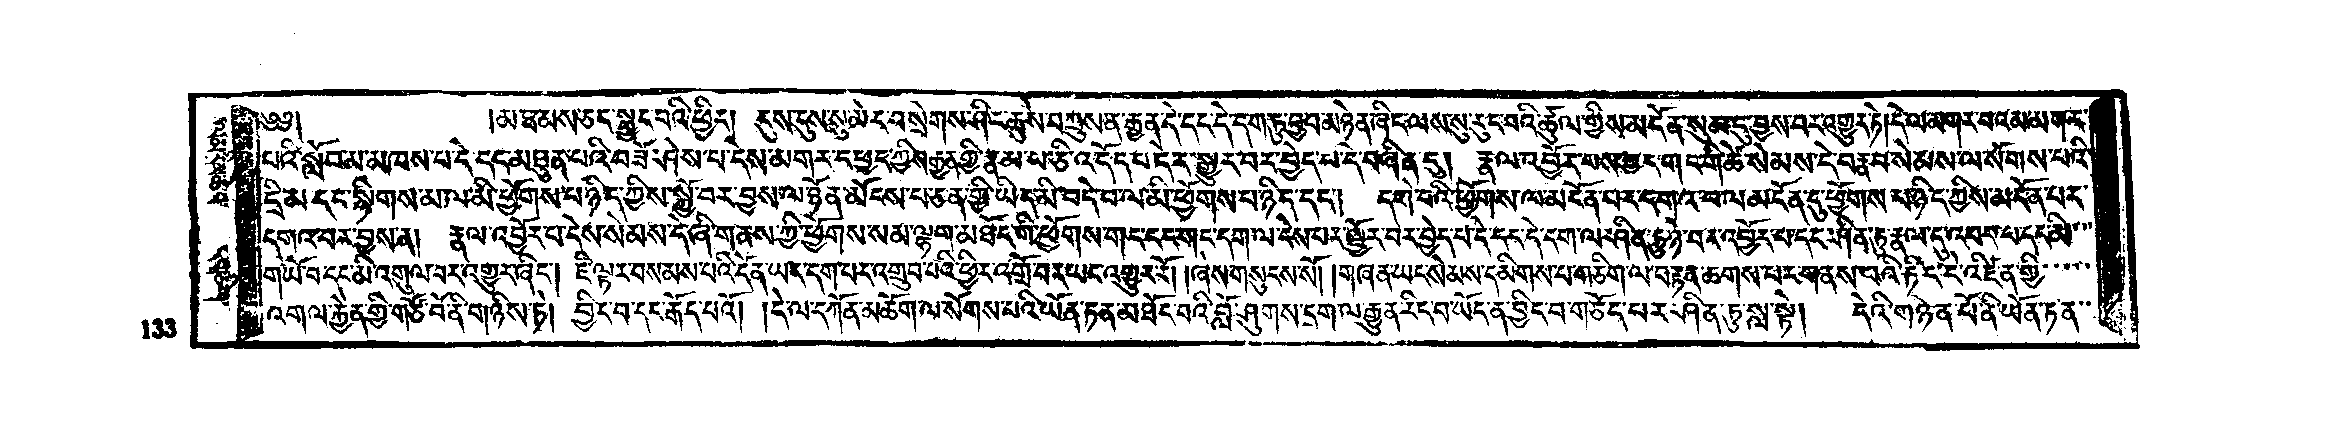༄༅། །མ་ཐམས་ཅད་སྦྱང་བའི་ཕྱིར། དུས་དུས་སུ་མེར་བསྲེགས་ཤིང་ཆུས་བཀྲུས་ན་རྒྱན་དེ་དང་དེ་དག་ཏུ་བྱ་བ་མཉེན་ཞིང་ལས་སུ་རུང་བའི་ཚུལ་གྱིས་མངོན་སུམ་དུ་བྱས་པར་འགྱུར་ཏེ། དེ་ལ་མགར་བའམ་མགར་
པའི་སློབ་མ་མཁས་པ་དེ་དང་མཐུན་པའི་བཟོ་ཤེས་པ་དེས་མགར་དཔྱད་ཀྱིས་རྒྱན་གྱི་རྣམ་པ་ཅི་འདོད་པ་དེར་སྒྱུར་བར་བྱེད་པ་དེ་བཞིན་དུ། རྣལ་འབྱོར་པས་ཀྱང་གང་གི་ཚེ་སེམས་དེ་བརྣབ་སེམས་ལ་སོགས་པའི་
དྲི་མ་དང་སྙིགས་མ་ལ་མི་ཕྱོགས་པ་ཉིད་ཀྱིས་སྐྱོ་བར་བྱས་ལ་ཉོན་མོངས་པ་ཅན་གྱི་ཡིད་མི་བདེ་བ་ལ་མི་ཕྱོགས་པ་ཉིད་དང་། དགེ་བའི་ཕྱོགས་ལ་མངོན་པར་དགའ་བ་ལ་མངོན་དུ་ཕྱོགས་པ་ཉིད་ཀྱིས་མངོན་པར་
དགའ་བར་བྱས་ན། རྣལ་འབྱོར་པ་ངེས་སེམས་དེ་ཞི་གནས་ཀྱི་ཕྱོགས་སམ་ལྷག་མཐོང་གི་ཕྱོགས་གང་དང་གང་དག་ལ་ངེས་པར་སྦྱོར་བར་བྱེད་པ་དེ་དང་དེ་དག་ལ་ཤིན་ཏུ་ཉེ་བར་འབྱོར་པ་དང་ཤིན་ཏུ་རྣལ་དུ་འབབ་པ་དང་མི་
གཡོ་བ་དང་མི་འགུལ་བར་འགྱུར་ཞིང་། ཇི་ལྟར་བསམས་པའི་དོན་ཡང་དག་པར་འགྲུབ་པའི་ཕྱིར་འགྲོ་བར་ཡང་འགྱུར་རོ། །ཞེས་གསུངས་སོ། །གཞན་ཡང་སེམས་དམིགས་པ་གཅིག་ལ་བརྟན་ཆགས་པར་གནས་པའི་ཏིང་ངེ་འཛིན་གྱི་
འགལ་རྐྱེན་གྱི་གཙོ་བོ་ནི་གཉིས་ཏེ། བྱིང་བ་དང་རྒོད་པའོ། །དེ་ལ་དཀོན་མཆོག་ལ་སོགས་པའི་ཡོན་ཏན་མཐོང་བའི་བློ་ཤུགས་དྲག་ལ་རྒྱུན་རིང་བ་ཡོད་ན་བྱིང་བ་གཅོད་པར་ཤིན་ཏུ་སླ་སྟེ། དེའི་གཉེན་པོ་ནི་ཡོན་ཏན་